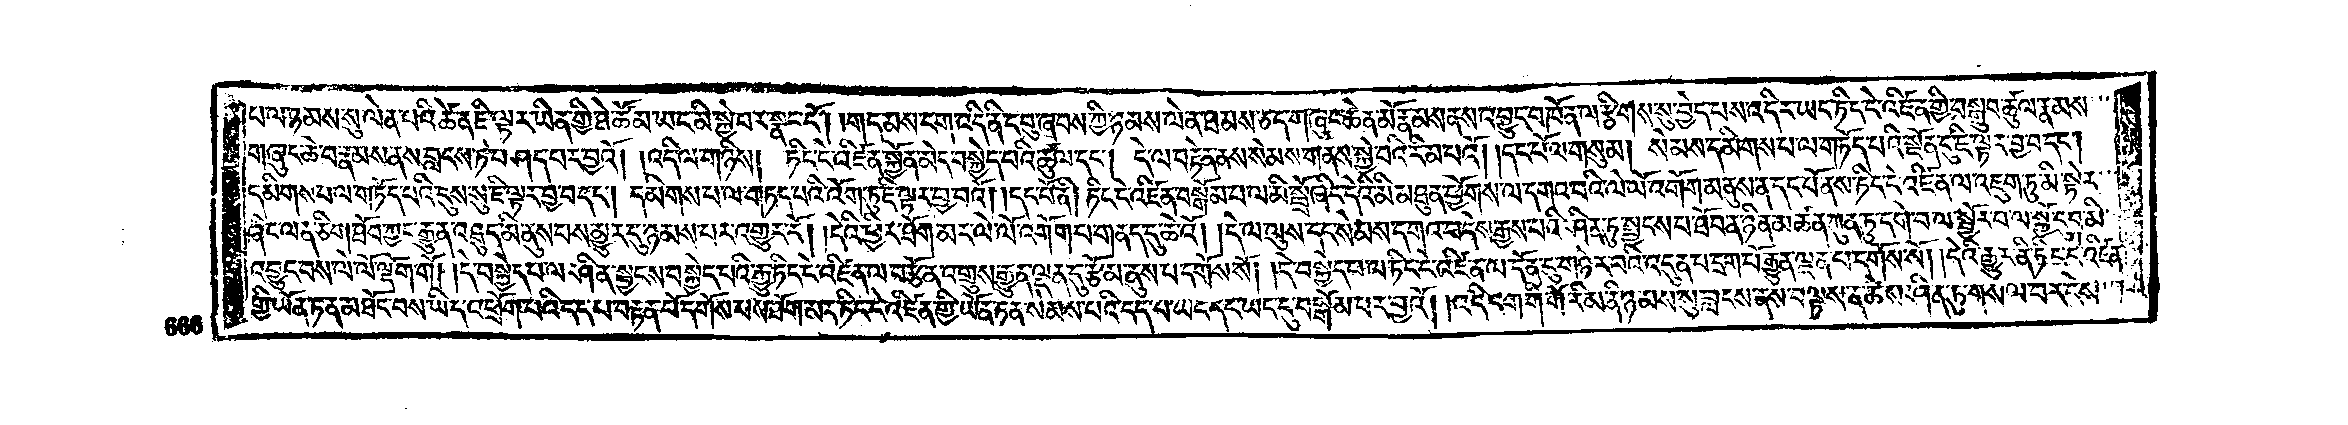པ་ལ་ཉམས་སུ་ལེན་པའི་ཚེ་ན་ཇི་ལྟར་ཡིན་གྱི་ཐེ་ཚོམ་ཡང་མི་སྐྱེ་བར་སྣང་ངོ། །གདམས་ངག་འདི་ནི་དབུ་ཞབས་ཀྱི་ཉམས་ལེན་ཐམས་ཅད་གཞུང་ཆེན་མོ་རྣམས་ནས་འབྱུང་བ་ཁོ་ན་ལ་རྩིགས་སུ་བྱེད་པས་འདིར་ཡང་ཏིང་ངེ་འཛིན་གྱི་བསྒྲུབ་ཚུལ་རྣམས་
གཞུང་ཆེ་བ་རྣམས་ནས་བླངས་ཏེ་བཤད་པར་བྱའོ། །འདི་ལ་གཉིས། ཏིང་ངེ་འཛིན་སྐྱོན་མེད་བསྐྱེད་པའི་ཚུལ་དང་། དེ་ལ་བརྟེན་ནས་སེམས་གནས་སྐྱེ་བའི་རིམ་པའོ། །དང་པོ་ལ་གསུམ། སེམས་དམིགས་པ་ལ་གཏོད་པའི་སྔོན་དུ་ཇི་ལྟར་བྱ་བ་དང་།
དམིགས་པ་ལ་གཏོད་པའི་དུས་སུ་ཇི་ལྟར་བྱ་བ་དང་། དམིགས་པ་ལ་གཏད་པའི་འོག་ཏུ་ཇི་ལྟར་བྱ་བའོ། །དང་པོ་ནི། ཏིང་ངེ་འཛིན་བསྒོམ་པ་ལ་མི་སྤྲོ་ཞིང་དེའི་མི་མཐུན་ཕྱོགས་ལ་དགའ་བའི་ལེ་ལོ་འགོག་མ་ནུས་ན་དང་པོ་ནས་ཏིང་ངེ་འཛིན་ལ་འཇུག་ཏུ་མི་སྟེར་
ཞིང་ལན་ཅིག་ཐོབ་ཀྱང་རྒྱུན་འཐུད་མི་ནུས་པས་མྱུར་དུ་ཉམས་པར་འགྱུར་རོ། །དེའི་ཕྱིར་ཐོག་མར་ལེ་ལོ་འགོག་པ་གནད་དུ་ཆེའོ། །དེ་ལ་ལུས་དང་སེམས་དགའ་བདེས་རྒྱས་པའི་ཤིན་ཏུ་སྦྱངས་པ་ཐོབ་ན་ཉིན་མཚན་ཀུན་ཏུ་དགེ་བ་ལ་སྦྱོར་བ་ལ་སྐྱོ་དུབ་མི་
འབྱུང་བས་ལེ་ལོ་ལྡོག་གོ། །དེ་བསྐྱེད་པ་ལ་ཤིན་སྦྱངས་བསྐྱེད་པའི་རྒྱུ་ཏིང་ངེ་འཛིན་ལ་བརྩོན་འགྲུས་རྒྱུན་ལྡན་དུ་རྩོམ་ནུས་པ་དགོས་སོ། །དེ་བསྐྱེད་པ་ལ་ཏིང་ངེ་འཛིན་ལ་དོན་དུ་གཉེར་བའི་འདུན་པ་དྲག་པོ་རྒྱུན་ལྡན་པ་དགོས་སོ། །དེའི་རྒྱུར་ནི་ཏིང་ངེ་འཛིན་
གྱི་ཡོན་ཏན་མཐོང་བས་ཡིད་འཕྲོག་པའི་དད་པ་བརྟན་པོ་དགོས་པས་ཐོག་མར་ཏིང་ངེ་འཛིན་གྱི་ཡོན་ཏན་སེམས་པའི་དད་པ་ཡང་དང་ཡང་དུ་བསྒོམ་པར་བྱའོ། །འདི་དག་གི་གོ་རིམ་ནི་ཉམས་སུ་བླངས་ནས་བལྟས་ན་ཆེས་ཤིན་ཏུ་གསལ་བར་ངེས་